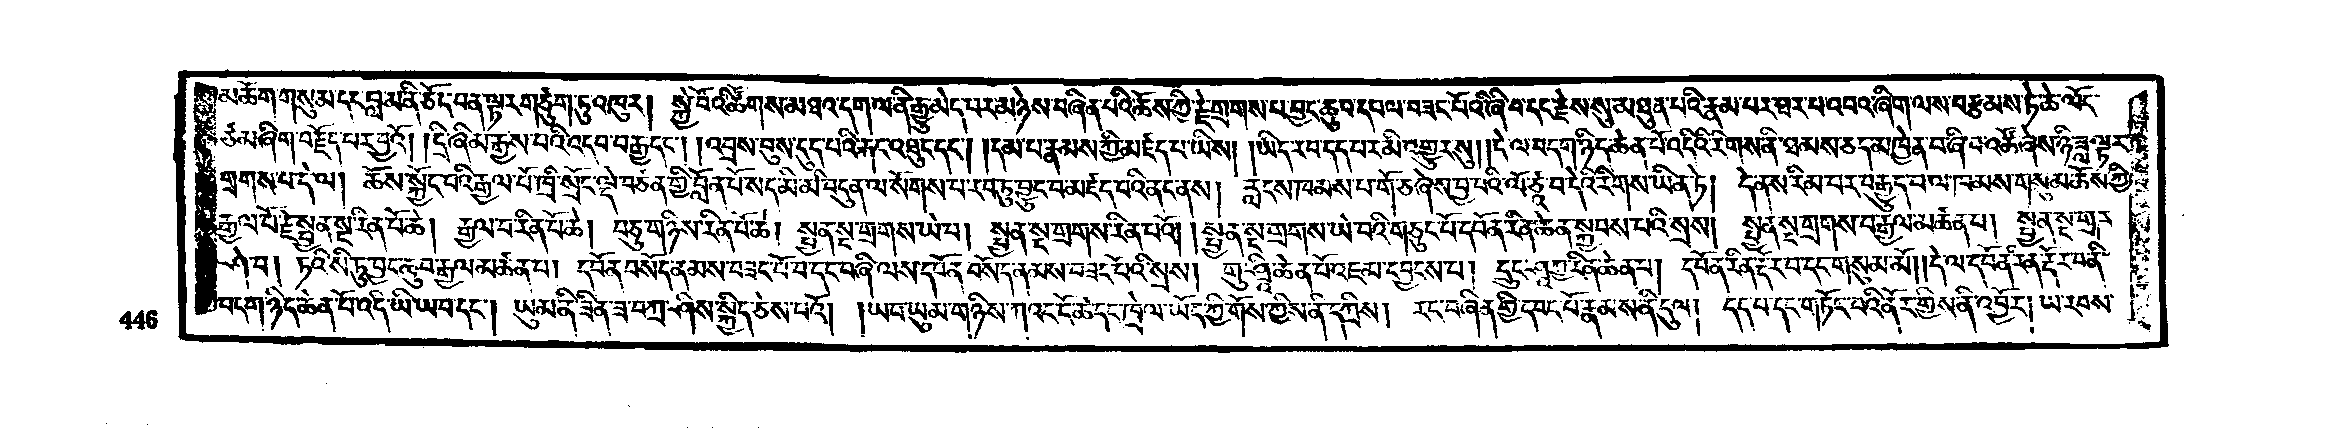མཆོག་གསུམ་དང་བླ་མ་ནི་ཅོད་པན་ལྟར་གཙུག་ཏུ་འཁུར། སྐྱེ་བོའི་ཚོགས་མཐའ་དག་ལ་ནི་རྒྱུ་མེད་པར་མཉེས་བཞིན་པའི་ཆོས་ཀྱི་རྗེ་གྲགས་པ་བྱང་ཆུབ་དཔལ་བཟང་པོའི་ཞི་བ་དང་རྗེས་སུ་མཐུན་པའི་རྣམ་བར་ཐར་བ་འབའ་ཞིག་ལས་བརྩམས་ཏེ་ཆེ་ལོང་
ཙམ་ཞིག་བརྗོད་པར་བྱའོ། །དྲི་ཞིམ་རྒྱས་པའི་འདབ་བརྒྱ་དང་། །འབྲས་བུས་དུད་པའི་རྐང་འཐུང་དང་། །དམ་པ་རྣམས་ཀྱི་མཛད་པ་ཡིས། །ཡིད་རབ་དད་པར་མི་འགྱུར་སུ། །དེ་ལ་བདག་ཉིད་ཆེན་པོ་འདིའི་རིགས་ནི་ཐམས་ཅད་མཁྱེན་པ་ཞི་བ་འཚོ་ཞེས་ཉི་ཟླ་ལྟར་
གྲགས་པ་དེ་ལ། ཆོས་སྐྱོང་བའི་རྒྱལ་པོ་ཁྲི་སྲོང་ལྡེ་བཙན་གྱི་བློན་པོ་སད་མི་མི་བདུན་ལ་སོགས་པ་རབ་ཏུ་བྱུང་བ་མཛེད་པའི་ནང་ནས། རླངས་ཁམས་པ་གོ་ཅ་ཞེས་བྱ་བའི་ལོ་ཙཱ་བ་དེའི་རིགས་ཡིན་ཏེ། དེ་ནས་རིམ་པར་བརྒྱུད་པ་ལ་ཁམས་གསུམ་ཆོས་ཀྱི་
རྒྱལ་པོ་རྗེ་སྤྱན་སྔ་རིན་པོ་ཆེ། རྒྱལ་བ་རིན་པོ་ཆེ། བཅུ་གཉིས་རིན་པོ་ཆེ། སྤྱན་སྔ་གྲགས་ཡེ་བ། སྤྱན་སྔ་གྲགས་རིན་པའོ། །སྤྱན་སྔ་གྲགས་ཡེ་བའི་གཅུང་པོ་དཔོན་རིན་ཆེན་སྐྱབས་པའི་སྲས། སྤྱན་སྔ་གྲགས་པ་རྒྱལ་མཚན་པ། སྤྱན་སྔ་གྲགས་
ཤེ་བ། ཏའི་སི་ཏུ་བྱང་ཆུབ་རྒྱལ་མཚན་པ། དཔོན་བསོད་ནམས་བཟང་པོ་བ་དང་བཞི་ལས་དཔོན་བསོད་ནམས་བཟང་པོའི་སྲས། གུ་ཤྲཱི་ཆེན་པོ་འཇམ་དབྱངས་པ། དྲུང་ཤཱཀྱ་རིན་ཆེན་པ། དཔོན་རིན་རྡོར་བ་དང་གསུམ་མོ། །དེ་ལ་དཔོན་རིན་རྡོར་བ་ནི་
བདག་ཉིད་ཆེན་པོ་འདི་ཡི་ཡབ་དང་། ཡུམ་ནི་ཟིན་ཟ་བཀྲ་ཤིས་སྐྱིད་ཅེས་པའོ། །ཡབ་ཡུམ་གཉིས་ཀའང་ངོ་ཚ་དང་ཁྲེལ་ཡོད་ཀྱི་གོས་ཀྱིས་ནི་དཀྲིས། རང་བཞིན་གྱི་དབང་པོ་རྣམས་ནི་དུལ། དད་པ་དང་གཏོང་བའི་ནོར་གྱིས་ནི་འབྱོར། ཡ་རབས་